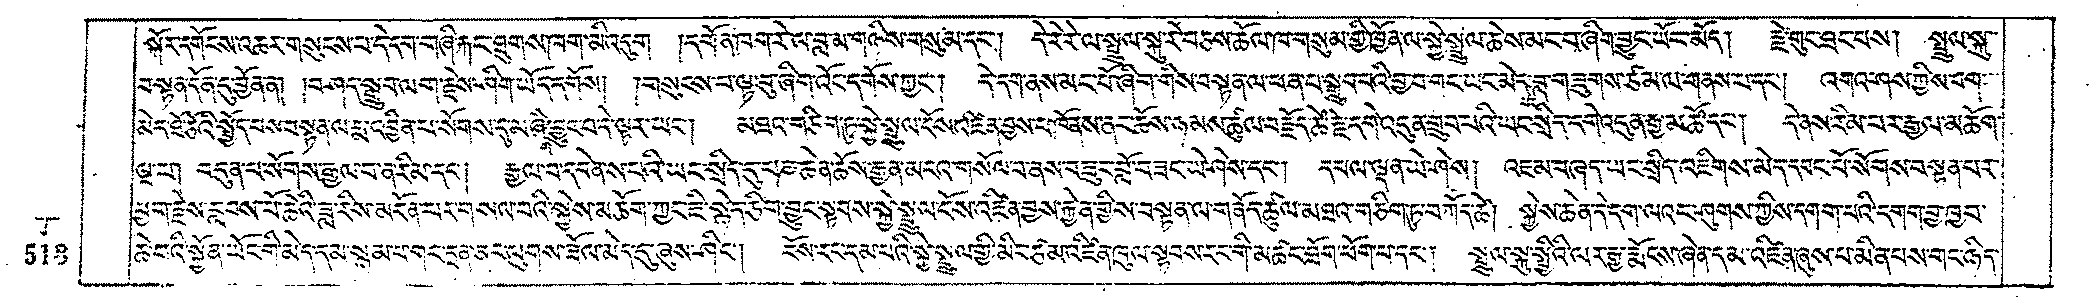སྐོར་དགོངས་འཆར་གསུངས་པ་དེ་དག་གཞི་རྐང་ཐུགས་ཁག་མི་འདུག །དགོན་ཁག་རེ་ལ་བླ་མ་གཉིས་གསུམ་དང་། དེ་རེ་རེ་ལ་སྤྲུལ་སྐུ་རེ་བཅས་ཆོལ་ཁ་གསུམ་གྱི་ཁྱོན་ལ་སྐྱེ་སྤྲུལ་ཆེས་མང་བ་ཞིག་བྱུང་ཡོང་མོད། རྗེ་གུང་ཐང་པས། སྤྲུལ་སྐུ་་་
བསྟན་དོན་དུ་བྱོན་ན། །བཤད་སྒྲུབ་ལག་རྗེས་ཤིག་ཡོད་དགོས། །གསུངས་པ་ལྟ་བུ་ཞིག་འོང་དགོས་ཀྱང་། དེ་དག་ནས་མང་པོ་ཞིག་གིས་བསྟན་ལ་ཕན་པ་སྒྲུབ་པའི་བྱ་བ་གང་ཡང་མེད་པར་བླ་གཟུགས་ཙམ་ལ་གནས་པ་དང་། འགའ་ཤས་ཀྱིས་བག་་་
མེད་ཐོ་ཅོའི་སྤྱོད་པས་བསྟན་ལ་རྨ་འབྱིན་པ་སོགས་དུ་མ་ཞིག་བྱུང་བ་དེ་ལྟར་ཡང་། མཐའ་གཅིག་ཏུ་སྐྱེ་སྤྲུལ་ངོས་འཛིན་བྱས་པ་ཁོ་ནས་ནང་ཆོས་ཉམས་ཚུལ་བརྗོད་ཚེ་རྗེ་དགེ་འདུན་གྲུབ་པའི་ཡང་སྲིད་དགེ་འདུན་རྒྱ་མཚོ་དང་། དེ་ནས་རིམ་པར་རྒྱལ་མཆོག་
ལྔ་པ། བདུན་པ་སོགས་རྒྱལ་བ་ན་རིམ་དང་། རྒྱལ་བ་དབེན་ས་པའི་ཡང་སྲིད་དུ་པཎ་ཆེན་ཆོས་རྒྱན་མངའ་གསོལ་བ་ནས་བཟུང་བློ་བཟང་ཡེ་ཤེས་དང་། དཔལ་ལྡན་ཡེ་ཤེས། འཇམ་བཞད་ཡང་སྲིད་འཇིགས་མེད་དབང་པོ་སོགས་བསྟན་པར་
ཕྱག་རྗེས་རླབས་པོ་ཆེའི་ཟླ་རིས་མངོན་པར་གསལ་བའི་སྐྱེས་མཆོག་ཀྱང་ཇི་སྙེད་ཅིག་བྱུང་སྟབས་སྐྱེ་སྤྲུལ་ངོས་འཛིན་བྱས་རྐྱེན་གྱིས་བསྟན་ལ་གནོད་ཚུལ་མཐའ་གཅིག་ཏུ་བཀོད་ཚེ། སྐྱེས་ཆེན་དེ་དག་ལའང་ཤུགས་ཀྱིས་དགག་པའི་དགག་བྱ་ཁྱབ་
ཆེ་བའི་སྐྱོན་ཡོང་གི་མེད་དམ་སྙམ་པ་གང་དྲན་ནང་ལུགས་ཟོལ་མེད་དུ་ཞུས་ཤིང་། ངོས་རང་དམ་པའི་སྐྱེ་སྤྲུལ་གྱི་མིང་ཙམ་འཛིན་ཁུལ་སྟབས་རང་གི་མཚང་ཐོག་ཕོག་པ་དང་། སྤྲུལ་སྐུ་སྤྱིའི་ལར་རྒྱ་རྨོངས་ཞེན་དམ་འཛིན་ཞུས་པ་མིན་པས་གང་ཉིད་